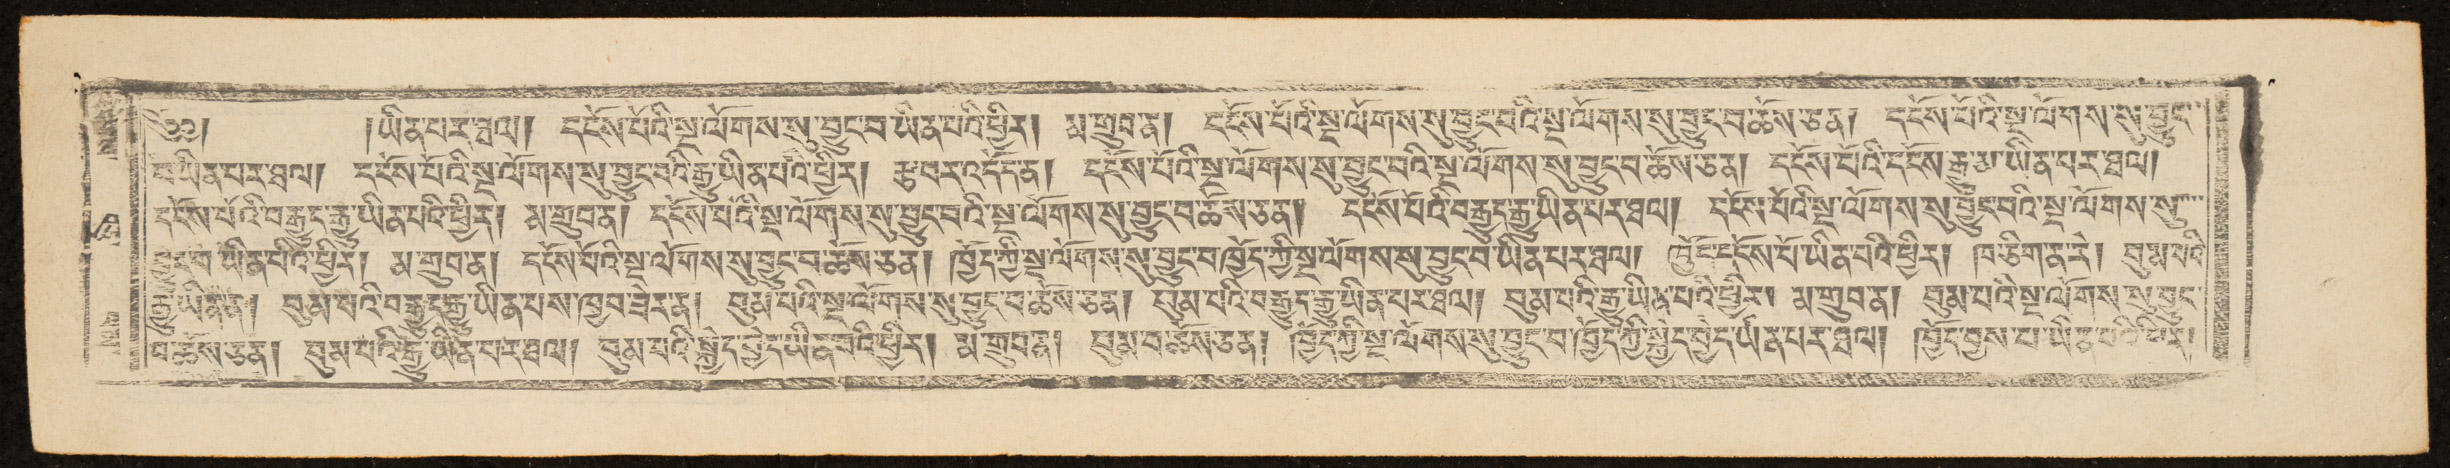༄༅། །ཡིན་པར་ཐལ། དངོས་པོའི་སྔ་ལོག་སུ་བྱུང་བ་ཡིན་པའི་ཕྱིར། མ་གྲུབ་ན། དངོས་པོའི་སྔ་ལོགས་སུ་བྱུང་བའི་སྔ་ལོགས་སུ་བྱུང་བ་ཆོས་ཅན། དངོས་པོའི་སྔ་ལོགས་སུ་བྱུང་
བ་ཡིན་པར་ཐལ། དངོས་པོའི་སྔ་ལོགས་སུ་བྱུང་བའི་རྒྱུ་ཡིན་པའི་ཕྱིར། རྩ་བར་འདོད་ན། དངོས་པོའི་སྔ་ལོགས་སུ་བྱུང་བའི་སྔ་ལོགས་སུ་བྱུང་བ་ཆོས་ཅན། དངོས་པོའི་དངོས་རྒྱུ་མ་ཡིན་པར་ཐལ།
དངོས་པོའི་བརྒྱུད་རྒྱུ་ཡིན་པའི་ཕྱིར། མ་གྲུབ་ན། དངོས་པོའི་སྔ་ལོགས་སུ་བྱུང་བའི་སྔ་ལོགས་སུ་བྱུང་བ་ཆོས་ཅན། དངོས་པོའི་བརྒྱུད་རྒྱུ་ཡིན་པར་ཐལ། དངོས་པོའི་སྔ་ལོགས་སུ་བྱུང་བའི་སྔ་ལོགས་སུ་
བྱུང་བ་ཡིན་པའི་ཕྱིར། མ་གྲུབ་ན། དངོས་པོའི་སྔ་ལོགས་སུ་བྱུང་བ་ཆོས་ཅན། ཁྱོད་ཀྱི་སྔ་ལོགས་སུ་བྱུང་བ་ཁྱོད་ཀྱི་སྔ་ལོགས་སུ་བྱུང་བ་ཡིན་པར་ཐལ། ཁྱོད་དངོས་པོ་ཡིན་པའི་ཕྱིར། ཁ་ཅིག་ན་རེ། བུམ་པའི་
རྒྱུ་ཡིན་ན། བུམ་པའི་བརྒྱུད་རྒྱུ་ཡིན་པས་ཁྱབ་ཟེར་ན། བུམ་པའི་སྔ་ལོགས་སུ་བྱུང་བ་ཆོས་ཅན། བུམ་པའི་བརྒྱུད་རྒྱུ་ཡིན་པར་ཐལ། བུམ་པའི་རྒྱུ་ཡིན་པའི་ཕྱིར། མ་གྲུབ་ན། བུམ་པའི་སྔ་ལོགས་སུ་བྱུང་
བ་ཆོས་ཅན། བུམ་པའི་རྒྱུ་ཡིན་པར་ཐལ། བུམ་པའི་སྐྱེད་བྱེད་ཡིན་པའི་ཕྱིར། མ་གྲུབ་ན། བུམ་པ་ཆོས་ཅན། ཁྱོད་ཀྱི་སྔ་ལོགས་སུ་བྱུང་བ་ཁྱོད་ཀྱི་སྐྱེད་བྱེད་ཡིན་པར་ཐལ། ཁྱོད་བྱས་པ་ཡིན་པའི་ཕྱིར།